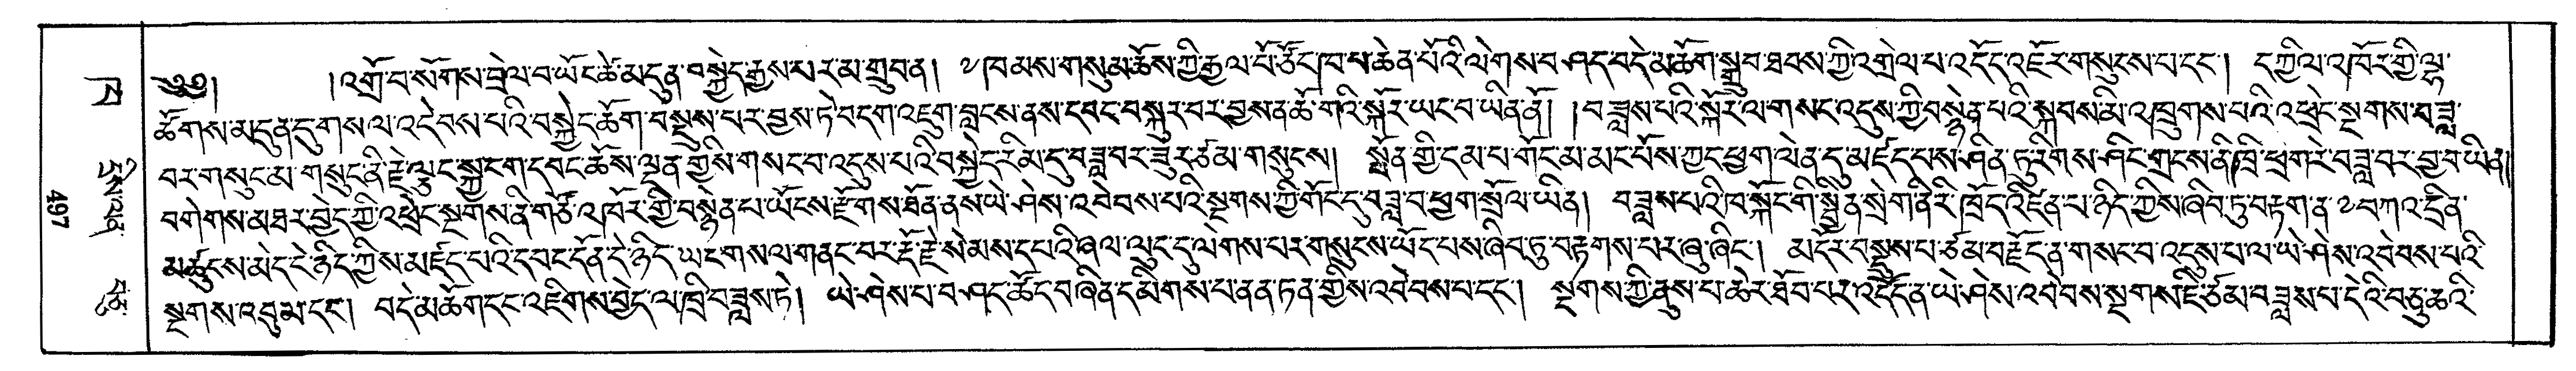༄༅། །འགྲོ་བ་སོགས་བྲེལ་བ་ཡོང་ཚེ་མདུན་བསྐྱེད་རྒྱས་པར་མ་གྲུབ་ན། ༈ ཁམས་གསུམ་ཆོས་ཀྱི་རྒྱལ་པོ་ཙོང་ཁ་པ་ཆེན་པོའི་ལེགས་བཤད་བདེ་མཆོག་སྒྲུབ་ཐབས་ཀྱི་འགྲེལ་པ་འདོད་འཇོར་གསུངས་པ་དང་། དཀྱིལ་འཁོར་གྱི་ལྷ་
ཚོགས་མདུན་དུ་གསལ་འདེབས་པའི་བསྐྱེད་ཆོག་བསྡུས་པ་རེ་བྱས་ཏེ་བདག་འཇུག་བླངས་ནས་དབང་བསྐུར་བར་བྱས་ན་ཆོ་གའི་སྐོར་ཡང་བ་ཡིན་ནོ། །བཟླས་པའི་སྐོར་ལ་གསང་འདུས་ཀྱི་བསྙེན་པའི་སྐབས་མི་འཁྲུགས་པའི་འཕྲེང་སྔགས་བ་ཟླ་
བར་གསུང་མ་གསུང་ནི་རྗེ་ལྕང་སྐྱ་ངག་དབང་ཆོས་ལྡན་གྱིས་གསང་བ་འདུས་པའི་བསྐྱེད་རིམ་དུ་བཟླ་བར་ཟུར་ཙམ་གསུངས། སྔོན་གྱི་དམ་པ་གོང་མ་མང་པོས་ཀྱང་ཕྱག་ལེན་དུ་མཛད་པས་ཤིན་ཏུ་རིགས་ཤིང་གྲངས་ནི་ཁྲི་ཕྲག་རེ་བཟླས་བར་བྱ་བ་ཡིན་
བགེགས་མཐར་བྱེད་ཀྱི་འཕྲེང་སྔགས་ནི་གཙོ་འཁོར་གྱི་བསྙེན་པ་ཡོངས་རྫོགས་ཐོན་ནས་ཡེ་ཤེས་འབེབས་པའི་སྔགས་ཀྱི་གོང་དུ་བཟླ་བ་ཕྱག་སྲོལ་ཡིན། བཟླས་པའི་ཁ་སྐོང་གི་སྦྱིན་སྲེག་ནི་རི་ཁྲོད་འཛིན་པ་ཉིད་ཀྱིས་ཞིབ་ཏུ་བརྟག་ན་༈ བཀའ་དྲིན་
མཚུངས་མེད་དེ་ཉིད་ཀྱིས་མཛད་པའི་དབང་དོན་དེ་ཉིད་ཡང་གསལ་གནང་བར་རྡོ་རྗེ་སེམས་དཔའི་ཞལ་ལུང་དུ་ལེགས་པར་གསུངས་ཡོད་པས་ཞིབ་ཏུ་བརྟགས་པར་ཞུ་ཞིང་། མདོར་བསྡུས་བ་ཙམ་བརྗོད་ན་གསང་བ་འདུས་པ་ལ་ཡེ་ཤེས་འབེབས་པའི་
སྔགས་འབུམ་དང་བདེ་མཆོག་དང་འཇིགས་བྱེད་ལ་ཁྲི་བཟླས་ཏེ། ཡེ་ཤེས་པ་བཤད་ཚོད་བཞིན་དམིགས་པ་ནན་ཏན་གྱིས་འབེབས་པ་དང་། སྔགས་ཀྱི་ནུས་པ་ཆེར་ཐོབ་པར་འདོད་ན་ཡེ་ཤེས་འབེབས་སྔགས་ཇི་ཙམ་བཟླས་པ་དེའི་བ་ནུ་ཆའི་